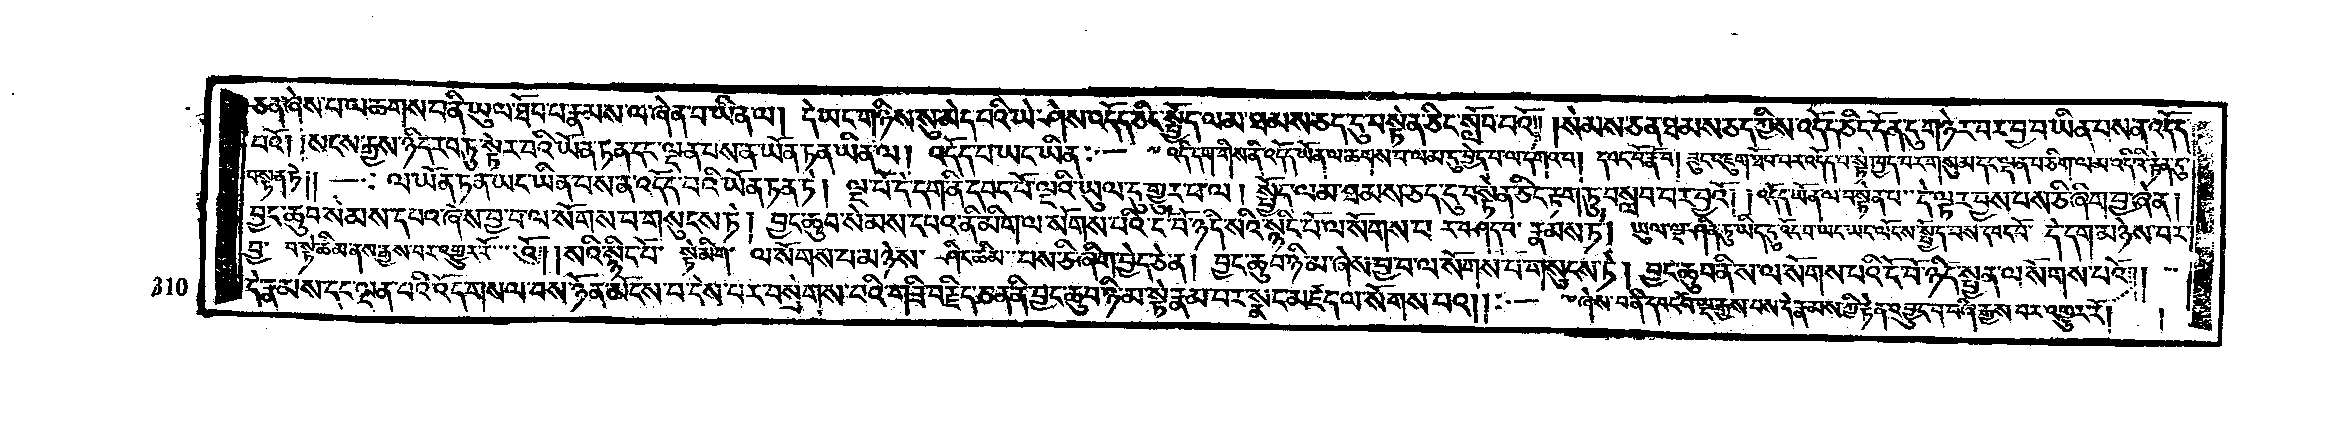ཅན་ཞེས་པ་ལ་ཆགས་པ་ནི་ཡུལ་ཐོབ་པ་རྣམས་ལ་ཞེན་པ་ཡིན་ལ། དེ་ཡང་གཉིས་སུ་མེད་པའི་ཡེ་ཤེས་འདོད་ཅིང་སྤྱོད་ལམ་ཐམས་ཅད་དུ་བསྟེན་ཅིང་སློབ་པའོ། །སེམས་ཅན་ཐམས་ཅད་ཀྱིས་འདོད་ཅིང་དོན་དུ་གཉེར་བར་བྱ་བ་ཡིན་པས་ན་འདོད་
པའོ། །སངས་རྒྱས་ཉིད་རབ་ཏུ་སྟེར་བའི་ཡོན་ཏན་དང་ལྡན་པས་ན་ཡོན་ཏན་ཡིན་ལ། འདོད་པ་ཡང་ཡིནཿ་༧་འདི་དག་གིས་ནི་འདོད་ཡོན་ལ་ཆགས་པ་ལམ་དུ་བྱེད་པ་ལ་དགའ་བ། དབང་པོ་རྣོ་བ། ཟུང་འཇུག་ཐོབ་པར་འདོད་པ་སྟེ་ཁྱད་པར་གསུམ་དང་ལྡན་པ་ཅིག་ལམ་འདིའི་རྟེན་དུ་
བསྟེན་ཏེ།། .H ལ་ཡོན་ཏན་ཡང་ཡིན་པས་ན་འདོད་པའི་ཡོན་ཏན་ཏེ། ལྔ་པོ་དེ་དག་ནི་དབང་པོ་ལྔའི་ཡུལ་དུ་གྱུར་པ་ལ། སྤྱོད་ལམ་ཐམས་ཅད་དུ་བསྟེན་ཅིང་རྟག་ཏུ་བསླབ་པར་བྱའོ། ། འདོད་ཡོན་ལ་བསྟེན་པ་དེ་ལྟར་བྱས་པས་ཅི་ཞིག་བྱ་ཞེ་ན།
བྱང་ཆུབ་སེམས་དཔའ་ཞེས་བྱ་བ་ལ་སོགས་པ་གསུངས་ཏེ། བྱང་ཆུབ་སེམས་དཔའ་ནི་མིག་ལ་སོགས་པའི་ངོ་བོ་ཉིད་སའི་སྙིང་པོ་ལ་སོགས་པར་བཤད་པ་རྣམས་ཏེ། ཡུལ་ལྔ་ཤིན་ཏུ་ཡིད་དུ་འོང་བ་ཡང་ཡང་ལོངས་སྤྱོད་པས་དབང་པོ་དེ་དག་མཉེས་པར་
བྱ་བ་སྟེ་ཚིམ་ནས་རྒྱས་པར་འགྱུར་རོ་འོ། །སའི་སྙིང་པོ་སྟེ་མིག་ལ་སོགས་པ་མཉེས་ཤིང་ཚིམ་པས་ཅི་ཞིག་བྱེད་ཅེ་ན། བྱང་ཆུབ་ཉི་མ་ཞེས་བྱ་བ་ལ་སོགས་པ་གསུངས་ཏེ། བྱང་ཆུབ་ནི་ས་ལ་སོགས་པའི་ངོ་བོ་ཉིད་སྤྱན་ལ་སོགས་པའོ། །
དེ་རྣམས་དང་ལྡན་པའི་འོད་གསལ་བས་ཉོན་མོངས་པ་ངེས་པར་བསྲེགས་པའི་གཟི་བརྗིད་ཅན་ནི་བྱང་ཆུབ་ཉི་མ་སྟེ་རྣམ་པར་སྣང་མཛད་ལ་སོགས་པའོ།།H.་༧ཞེས་པ་ནི་དབང་པོ་ལྔ་རྒྱས་པས་དེ་རྣམས་ཀྱི་རྟེན་འབྱུང་བ་བཞི་རྒྱས་པར་འགྱུར་རོ། །